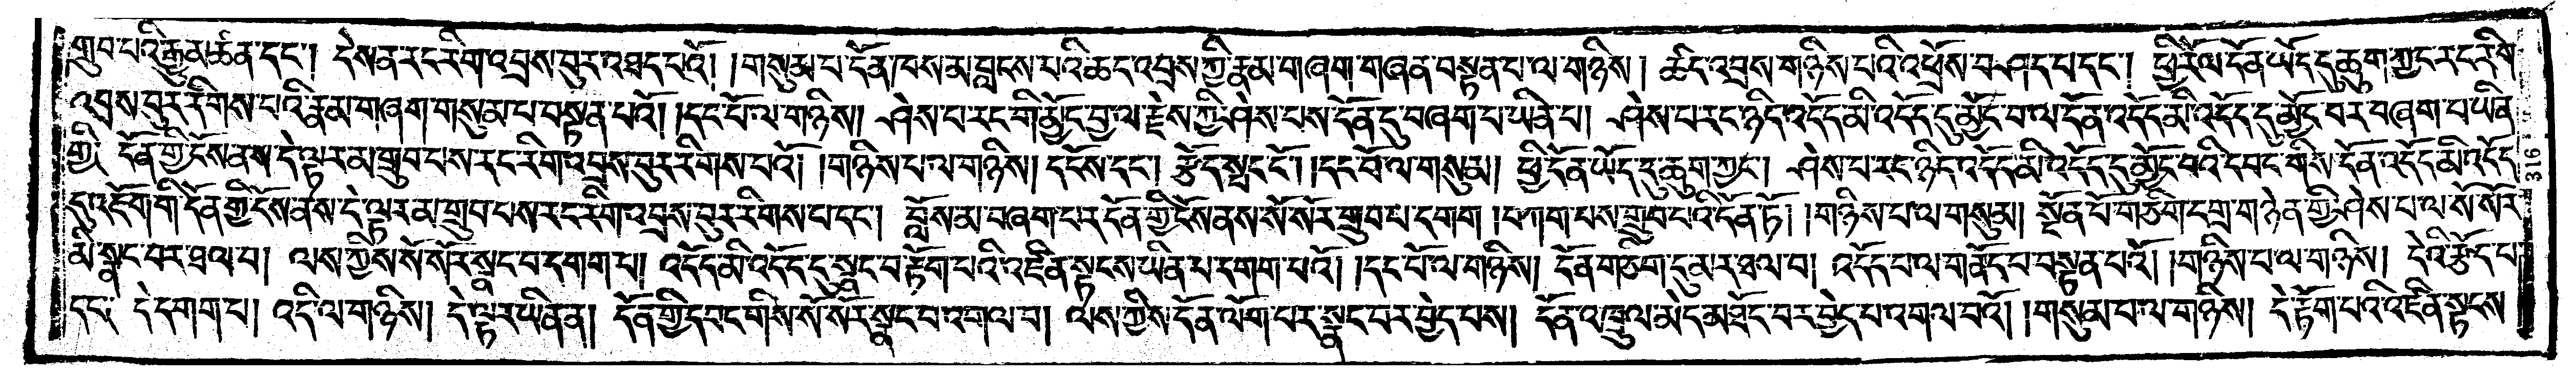གྲུབ་པའི་རྒྱུ་མཚན་དང་། དེས་ན་རང་རིག་འབྲས་བུར་འཐད་པའོ། །གསུམ་པ་དོན་ཁས་མ་བླངས་པའི་ཆད་འབྲས་ཀྱི་རྣམ་གཞག་གཞན་བསྟན་པ་ལ་གཉིས། ཚད་འབྲས་གཉིས་པའི་འཕྲོས་བཤད་པ་དང་། ཕྱི་རོལ་དོན་ཡོད་དུ་ཆུག་ཀྱང་རང་རིག་
འབྲས་བུར་རིགས་པའི་རྣམ་གཞག་གསུམ་པ་བསྟན་པའོ། །དང་པོ་ལ་གཉིས། ཤེས་པ་རང་གི་མྱོང་བྱ་ལ་རྗེས་ཀྱི་ཤེས་པས་དོན་དུ་བཞག་པ་ཡིན་པ། ཤེས་པ་རང་ཉིད་འདོད་མི་འདོད་དུ་མྱོང་བ་ལ་དོན་འདོད་མི་འདོད་དུ་མྱོང་བར་བཞག་པ་ཡིན་
གྱི། དོན་གྱི་ངོས་ནས་དེ་ལྟར་མ་གྲུབ་པས་རང་རིག་འབྲས་བུར་རིགས་པའོ། །གཉིས་པ་ལ་གཉིས། དངོས་དང་། རྩོད་སྤང་ངོ། །དང་པོ་ལ་གསུམ། ཕྱི་དོན་ཡོད་དུ་ཆུག་ཀྱང་། ཤེས་པ་རང་ཉིད་འདོད་མི་འདོད་དུ་མྱོང་བའི་དབང་གིས་དོན་འདོད་མི་འདོད་
དུ་འཇོག་གི་དོན་གྱི་ངོས་ནས་དེ་ལྟར་མ་གྲུབ་པས་རང་རིག་འབྲས་བུར་རིགས་པ་དང་། བློས་མ་བཞག་པར་དོན་གྱི་ངོས་ནས་སོ་སོར་གྲུབ་པ་དགག །བཀག་པས་གྲུབ་པའི་དོན་ཏོ། །གཉིས་པ་ལ་གསུམ། སྔོན་པོ་གཅིག་དགྲ་གཉེན་གྱི་ཤེས་པ་ལ་སོ་སོར་
མི་སྣང་བར་ཐལ་བ། ལས་ཀྱིས་སོ་སོར་སྣང་བ་དགག་པ། འདོད་མི་འདོད་དུ་སྣང་བ་རྟོག་པའི་འཛིན་སྟངས་ཡིན་པ་དགག་པའོ། །དང་པོ་ལ་གཉིས། དོན་གཅིག་དུ་མར་ཐལ་བ། འདོད་པ་ལ་གནོད་པ་བསྟན་པའོ། །གཉིས་པ་ལ་གཉིས། དེའི་རྩོད་པ་
དང་། དེ་དགག་པ། འདི་ལ་གཉིས། དེ་ལྟར་ཡིན་ན། དོན་གྱི་དབང་གིས་སོ་སོར་སྣང་བ་འགལ་བ། ལས་ཀྱིས་དོན་ལོག་པར་སྣང་བར་བྱེད་པས། དོན་འཁྲུལ་མེད་མཐོང་བར་བྱེད་པ་འགལ་བའོ། །གསུམ་པ་ལ་གཉིས། དེ་རྟོག་པའི་འཛིན་སྟངས་